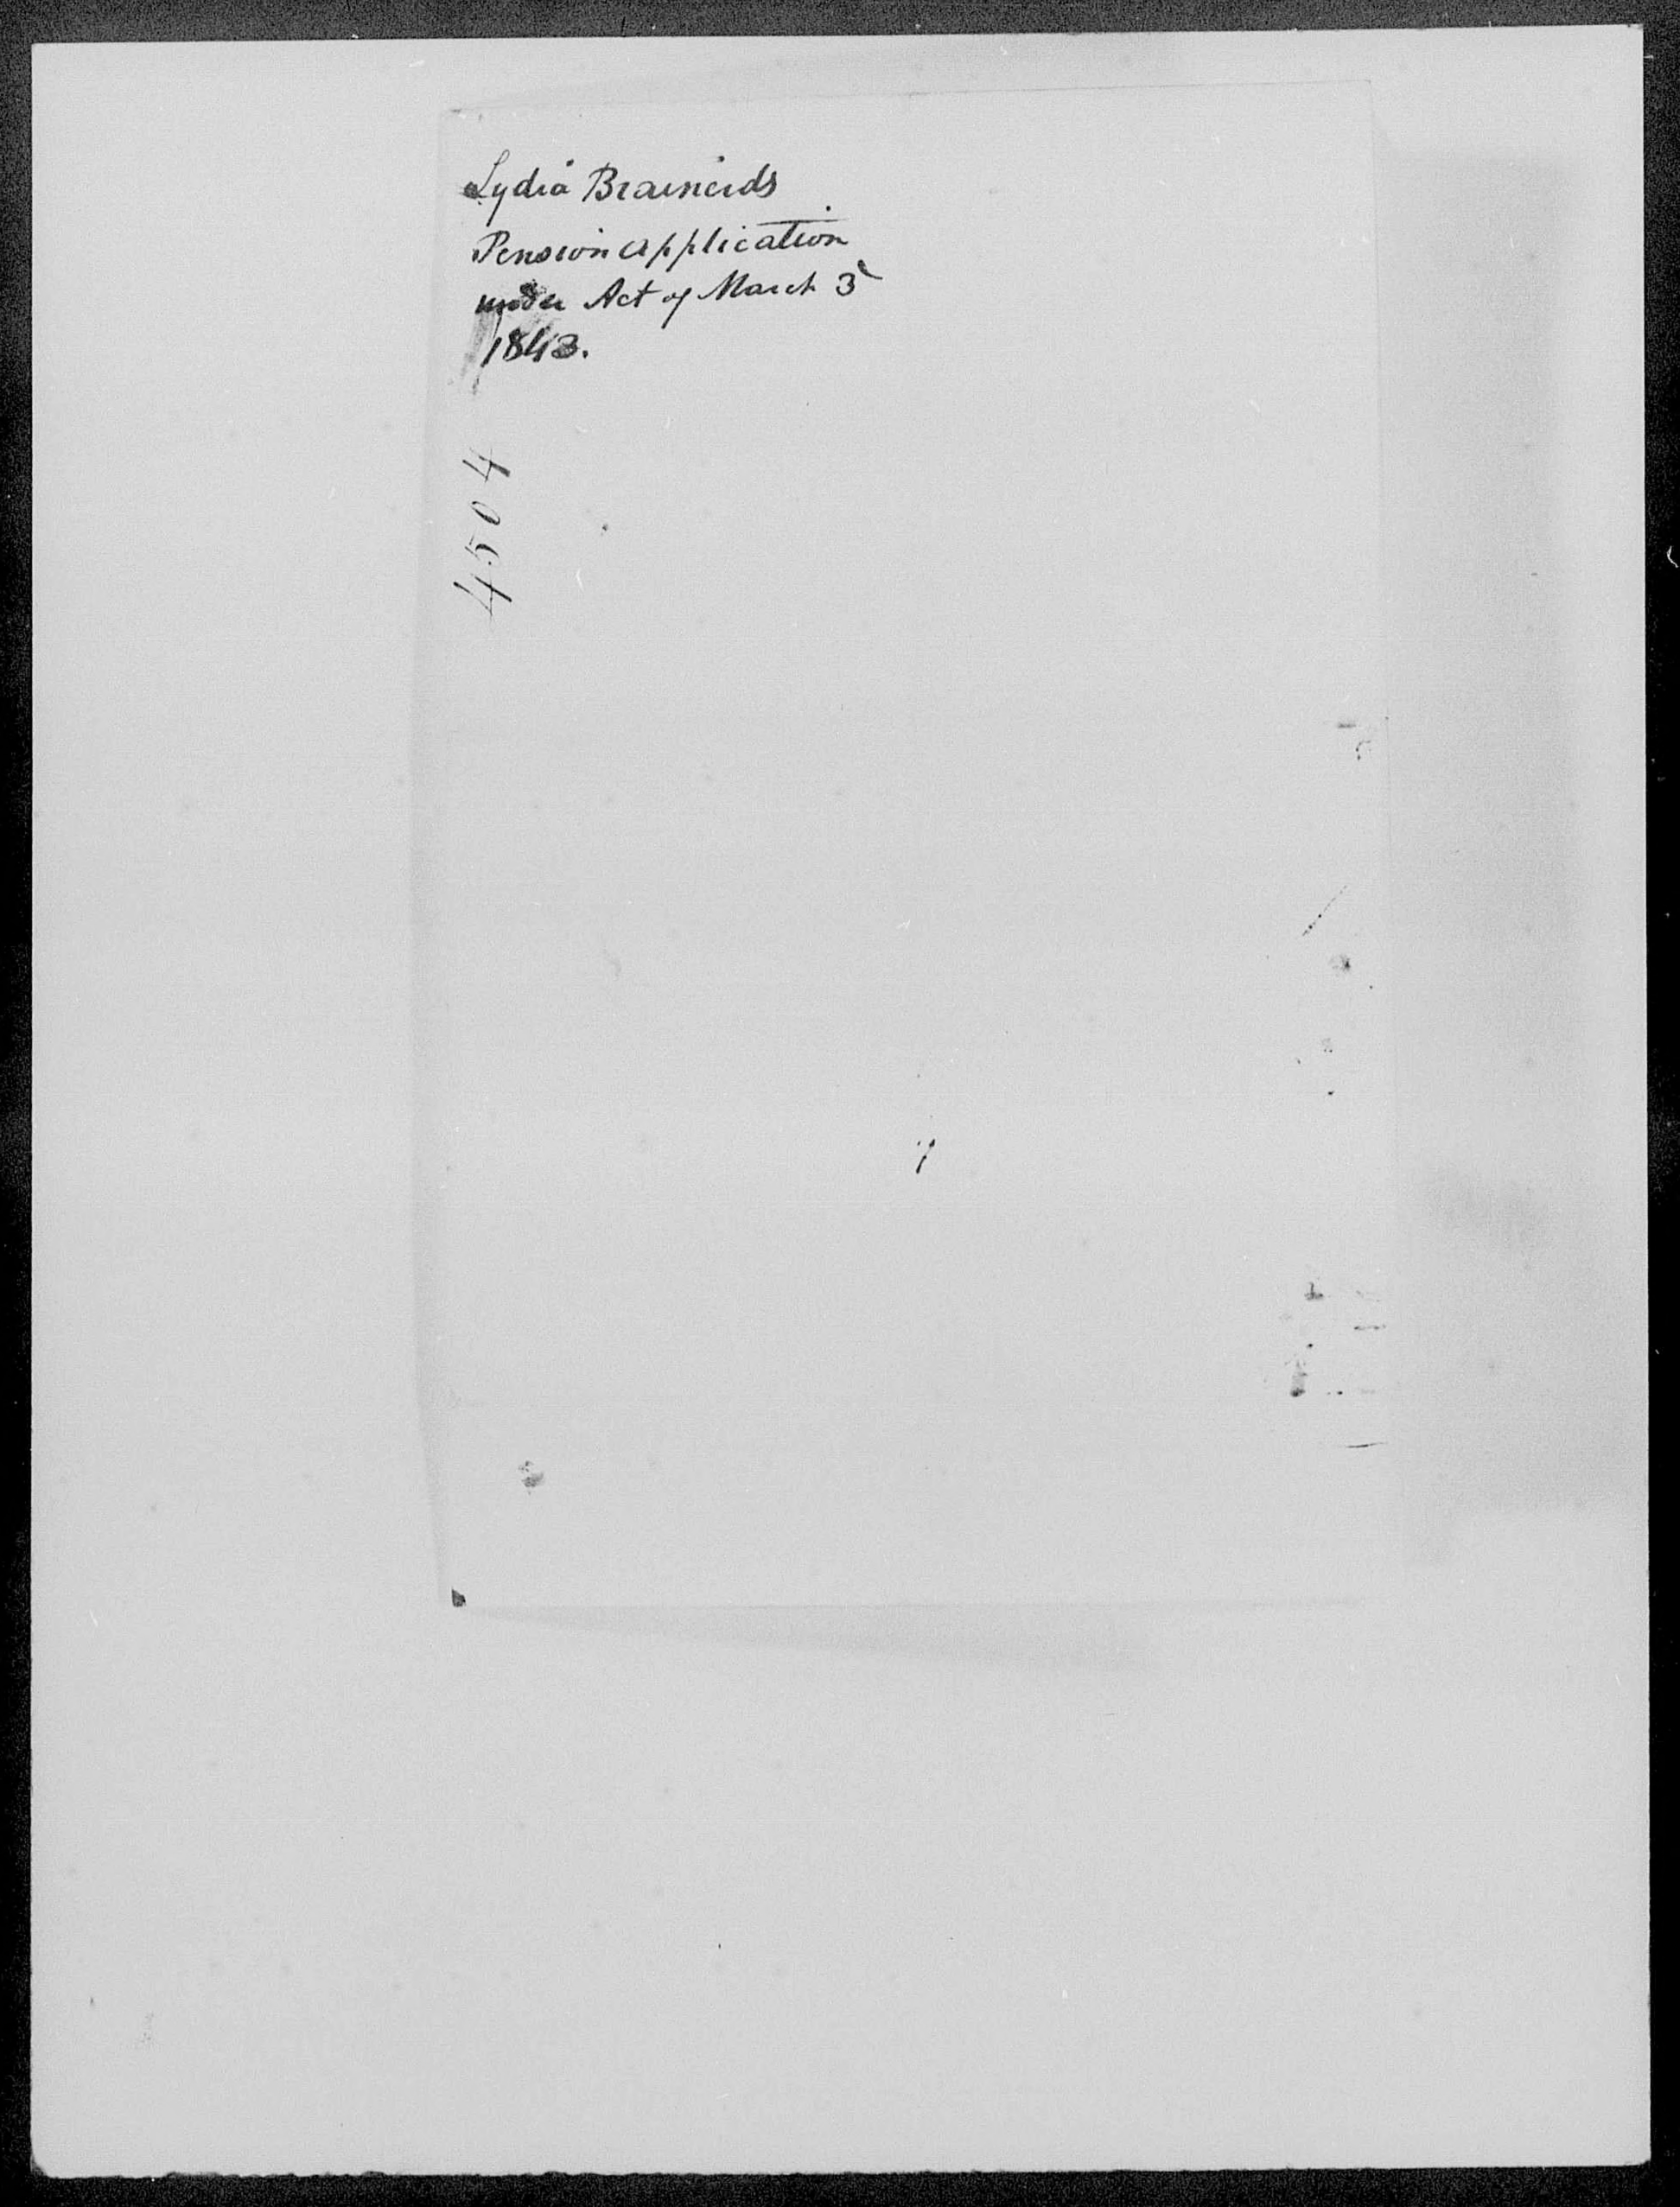Lydia Brainards Pension application under Act of March 3d 1843.
4504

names: Lydia Brainerd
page: 15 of 25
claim: widow's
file: W. 23,671, Bezaleel Brainard, Conn.